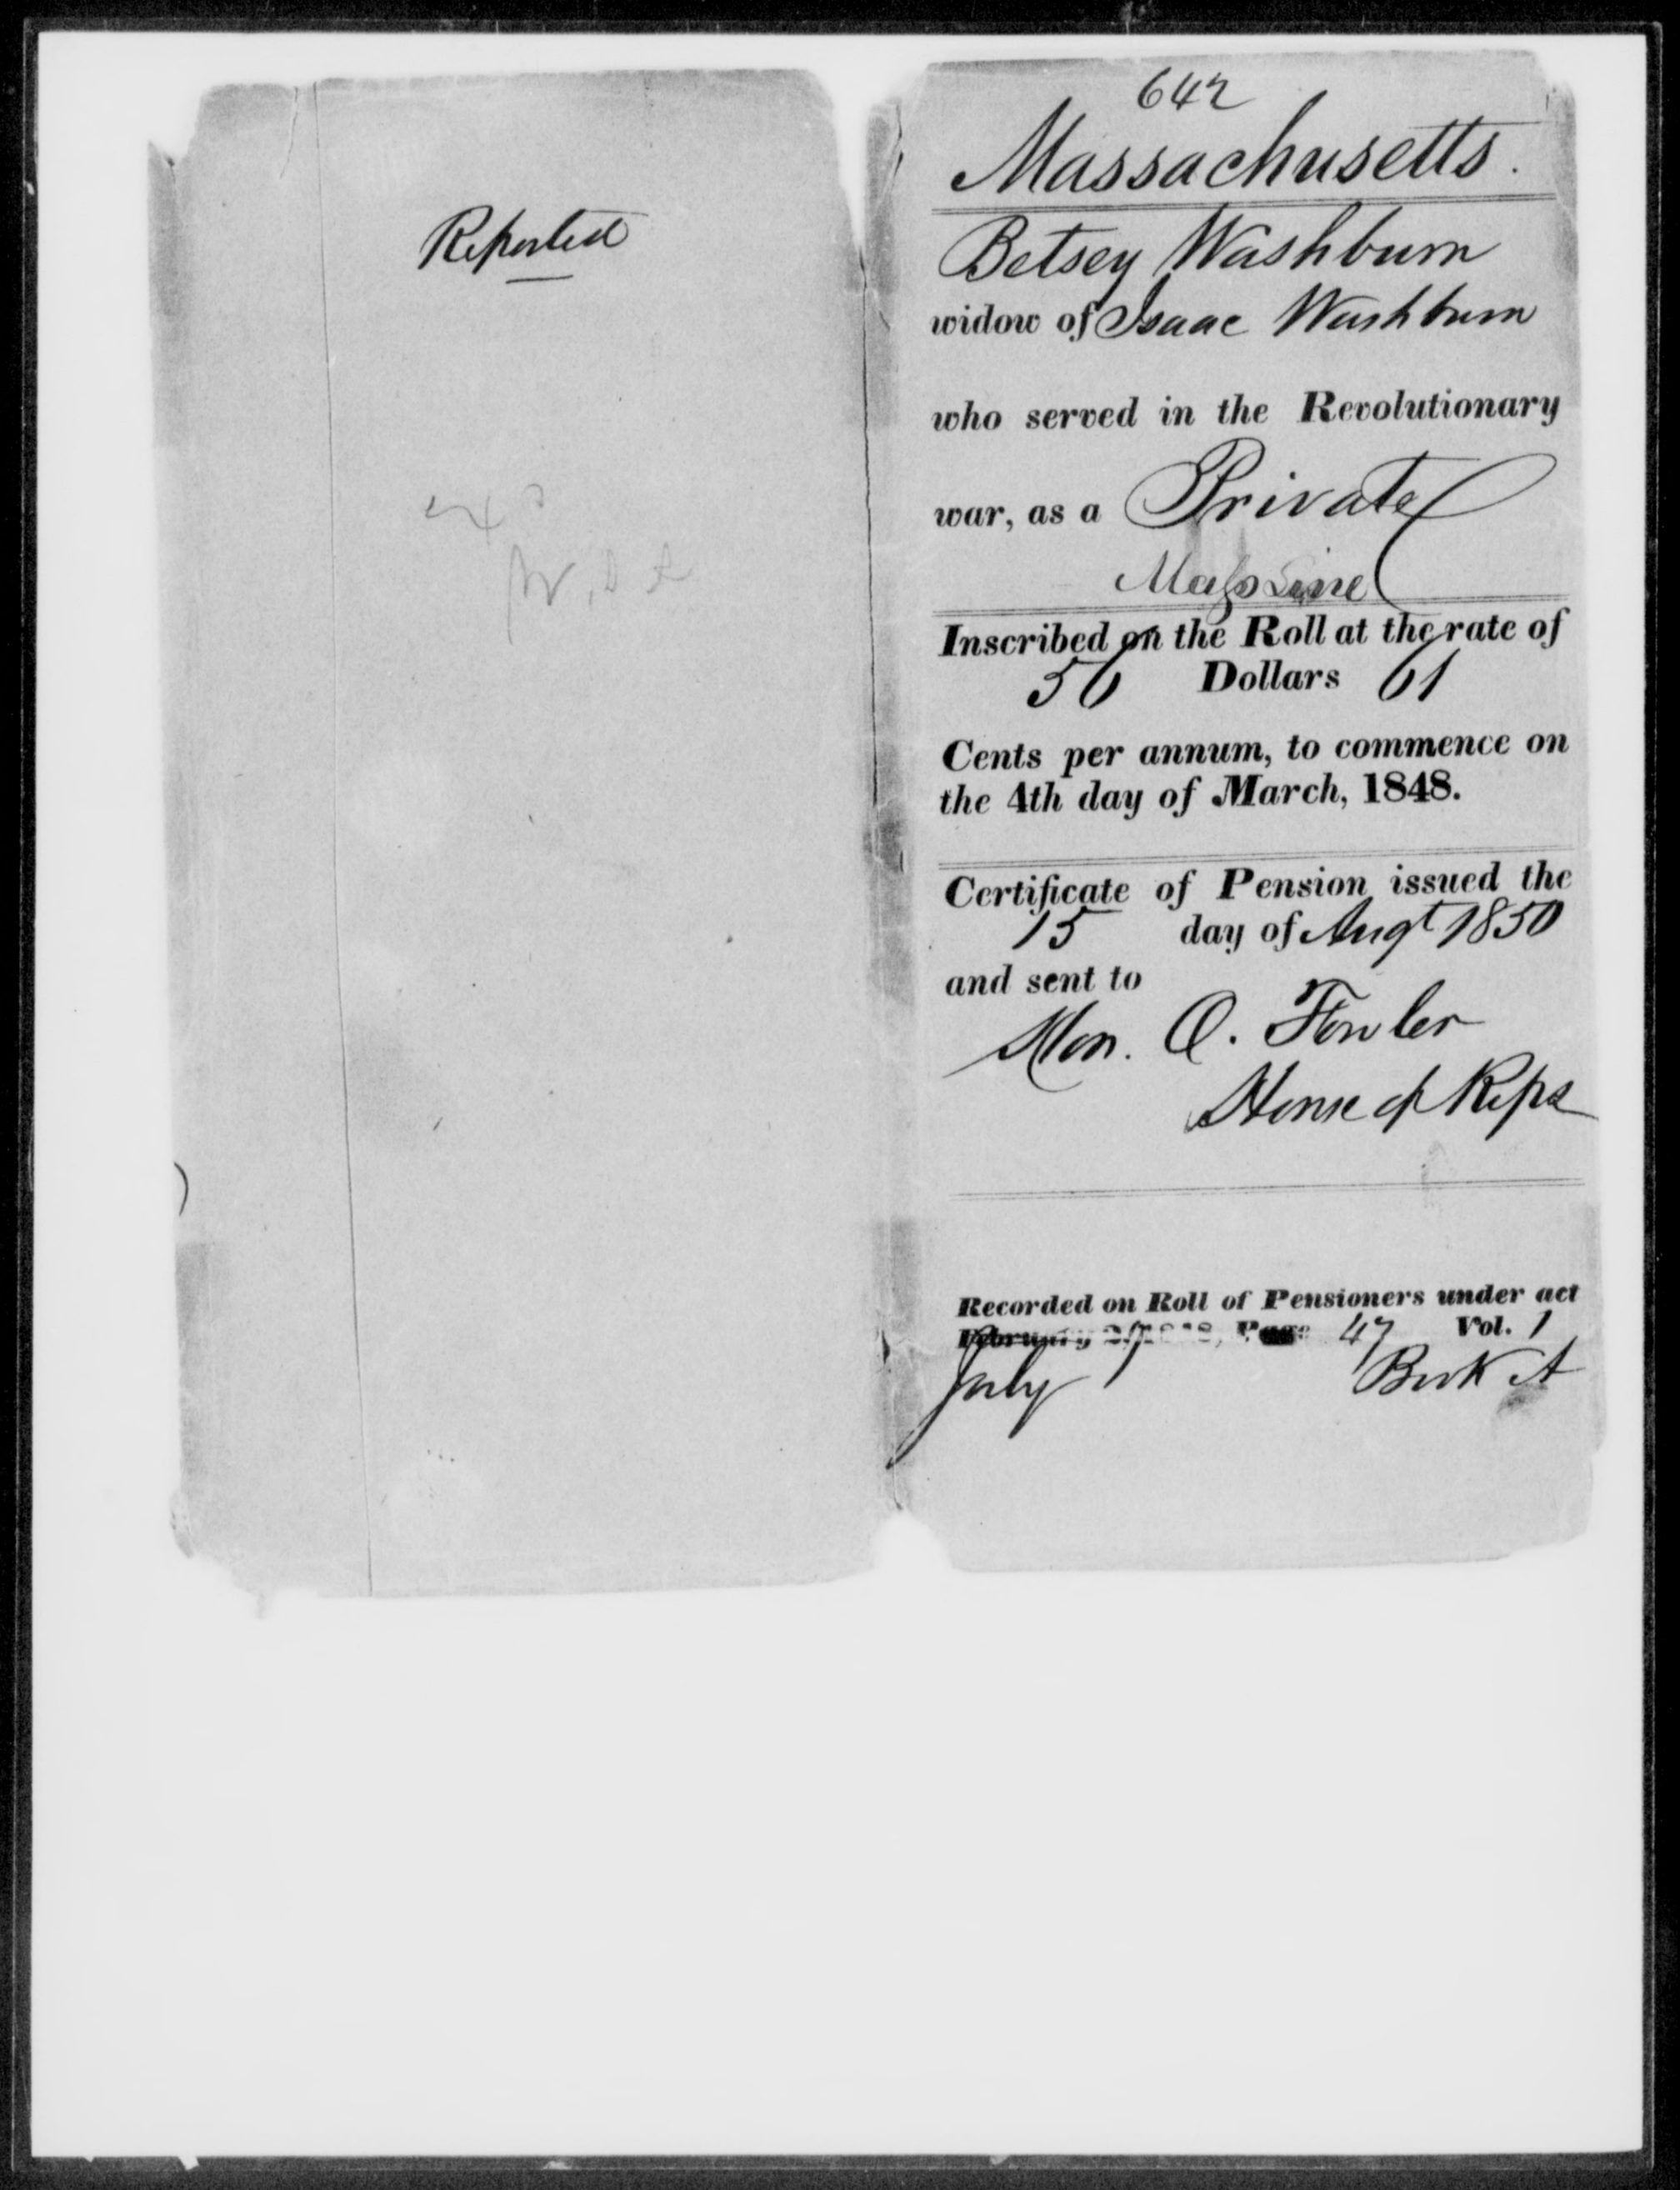Reported

642
Massachusetts.

Betsey Washburn widow of Isaac Washburn
who served in the Revolutionary war, as a Private Mass Sine

Inscribed on the Roll at the rate of 56 Dollars 61 Cents per annum, to commence on the 4th day of March, 1848.

Certificate of Pension issued the 15 day of Augt 1850 and sent to 
Hon. O. Fowler
         House of Reps

Recorded on Roll of Pensioners under act February 27 
Page 47 Vol. 1

July.          Book A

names: Betsey Washburn, Isaac Washburn, O Fowler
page: 2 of 34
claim: widow's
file: W. 1677, Isaac Washburn, Mass.